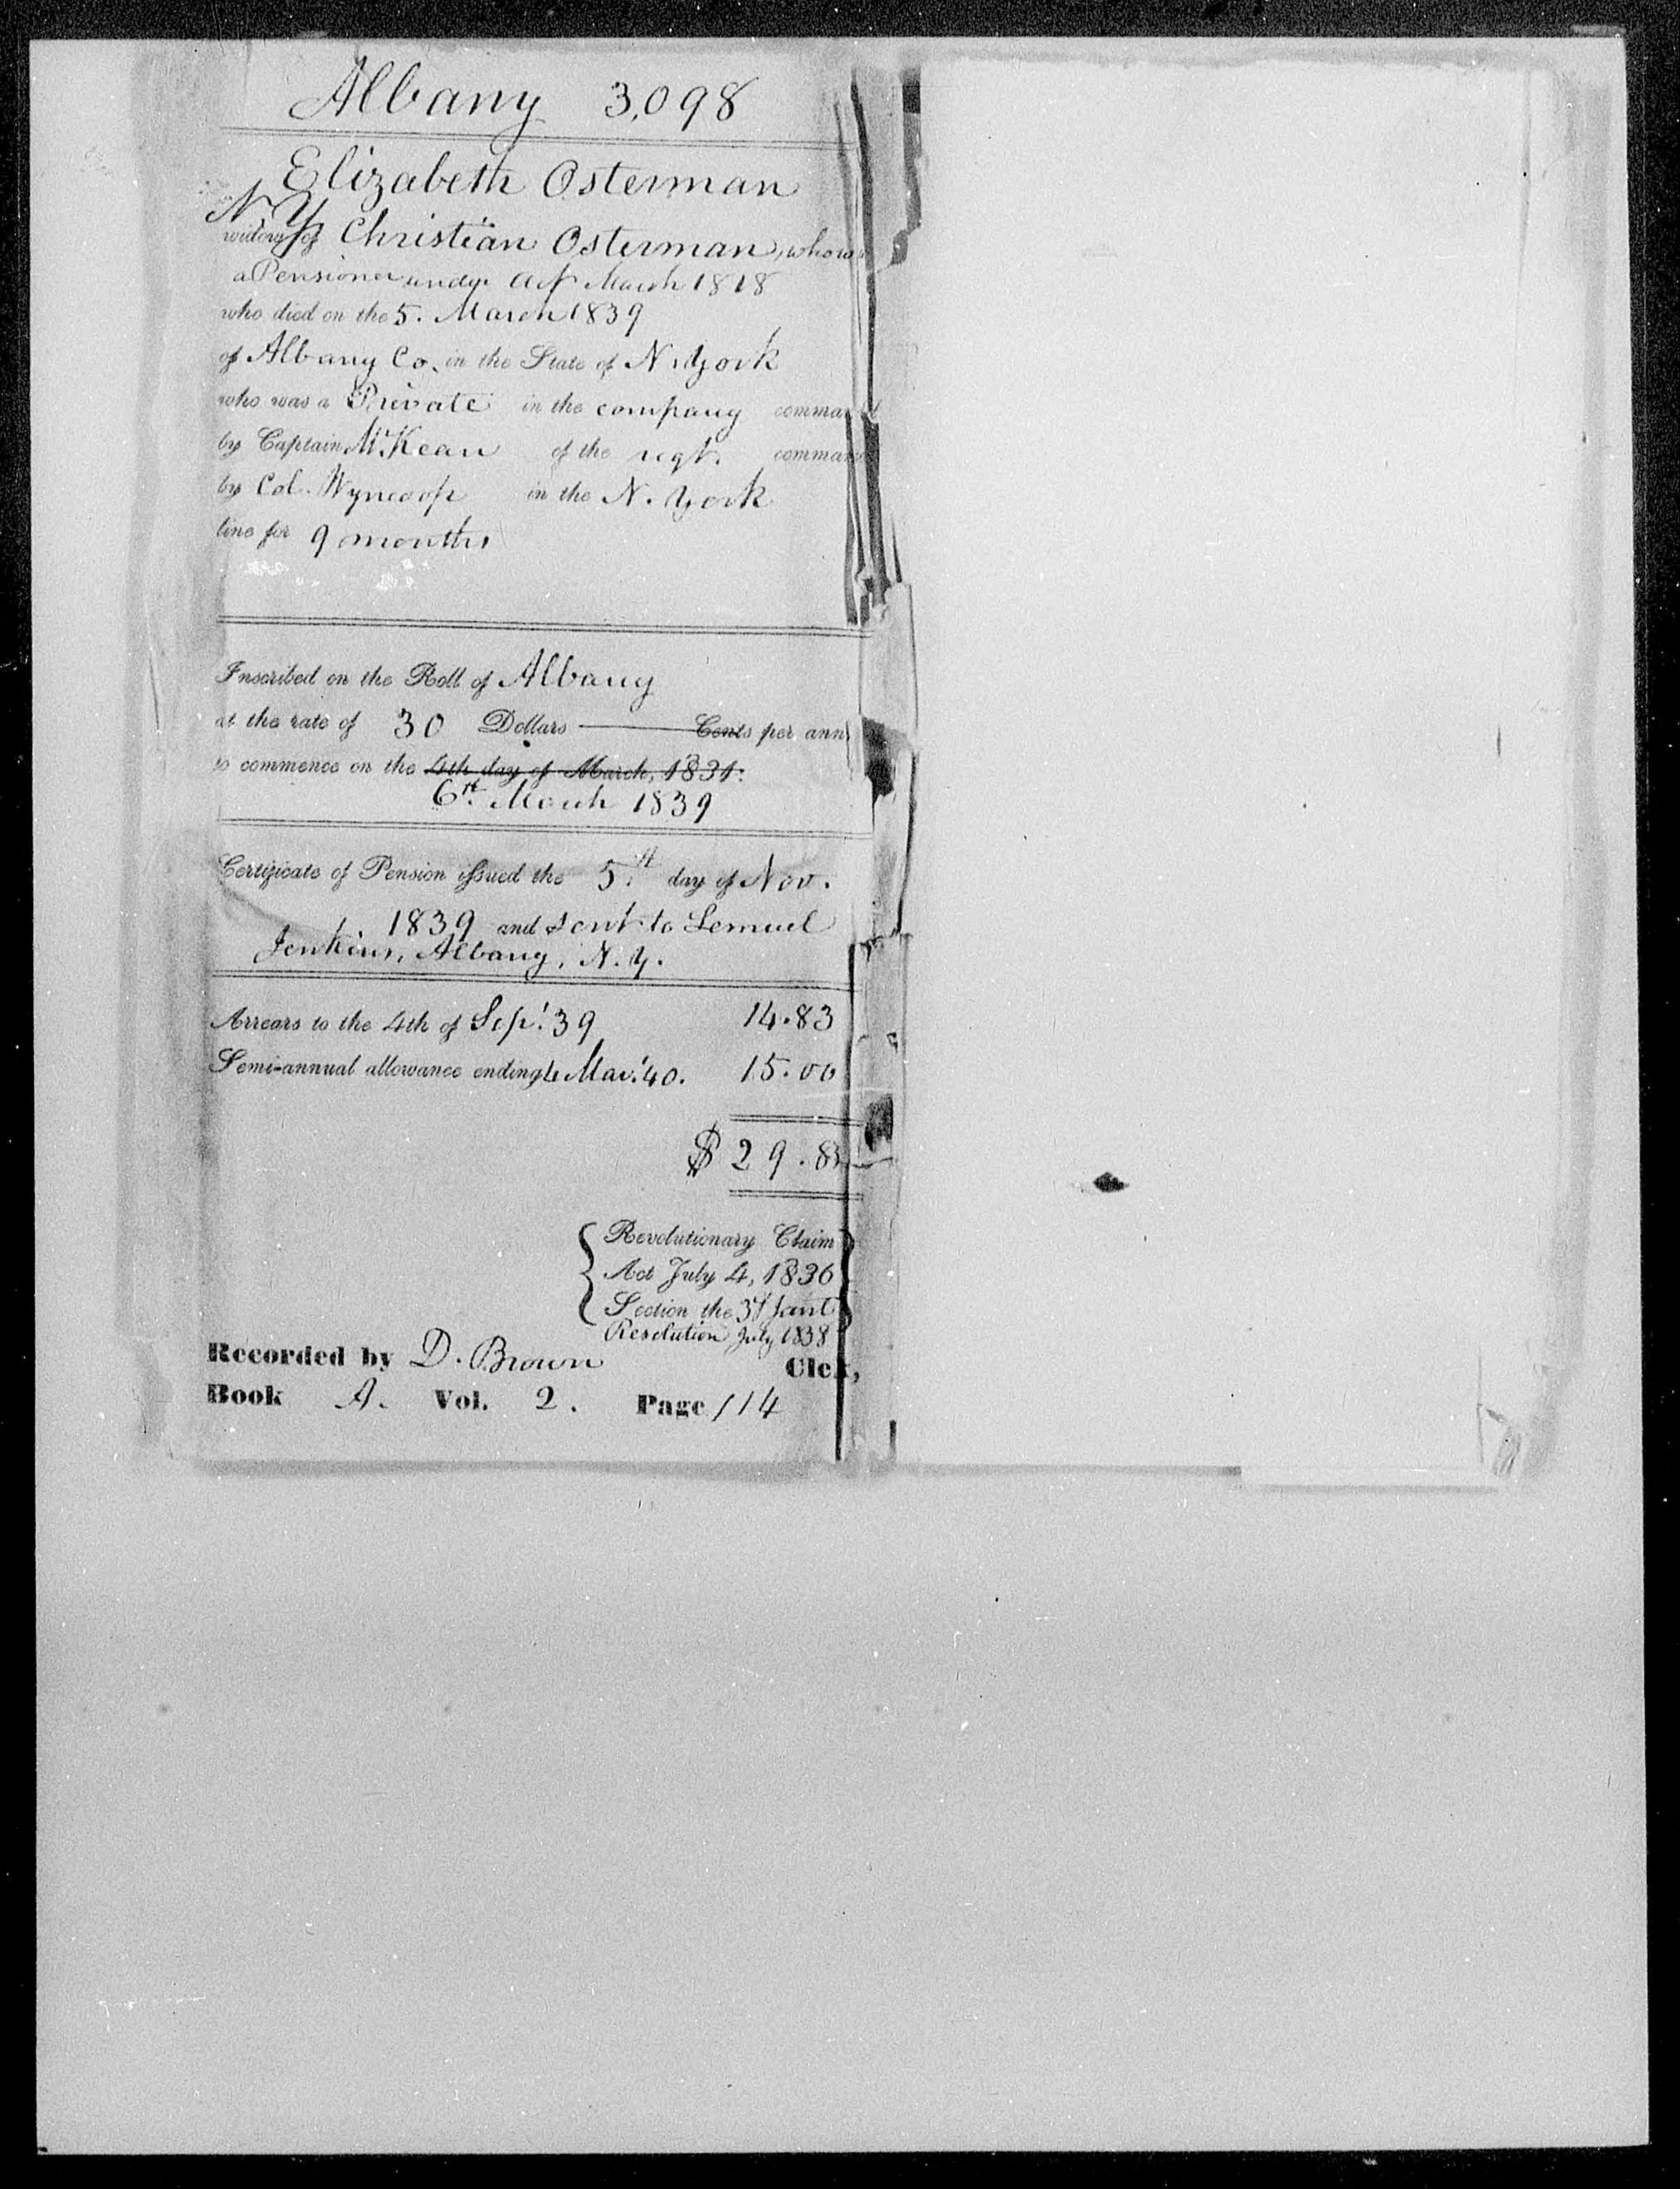Albany 3098
Elizabeth Osterman 
NY 
widow of Christian Osterman who was
a pensioner under Act Mach 1818
who died on the 5 March 1839
of Albany Co. in the State of N. York 
who was a Private in the company commanded 
by Captain McKeen of the regt commanded 
by Col. Wynkoop in the N. York 
line for 9 months

Inscribed on the Roll of Albany 
at the rate of 30 Dollars - Cents per ann
to commence on the 6th March 1839

Certificate of Pension issued the 5th day of Nov. 
1839 and sent to Lemuel 
Jenkins Albany, N.Y.

Arrears to the 4th of Sep '39   14.83
Semi-annual allowance ending 4 Mar '40   15.00
$29.83

Revolutionary Claim 
Act July 4, 1836

Section the 3 Jany
Resolution July 1838 

Recorded by D. Brown   Clerk 
Book A. Vol 2. Page 114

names: Christian Osterman; D Brown; Lemuel Jenkins; [BLANK] Mc Kean; [BLANK] Wyncoop; Elizabeth Osterman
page: 3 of 40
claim: widow's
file: W. 21876, for Christian Osterman, New York